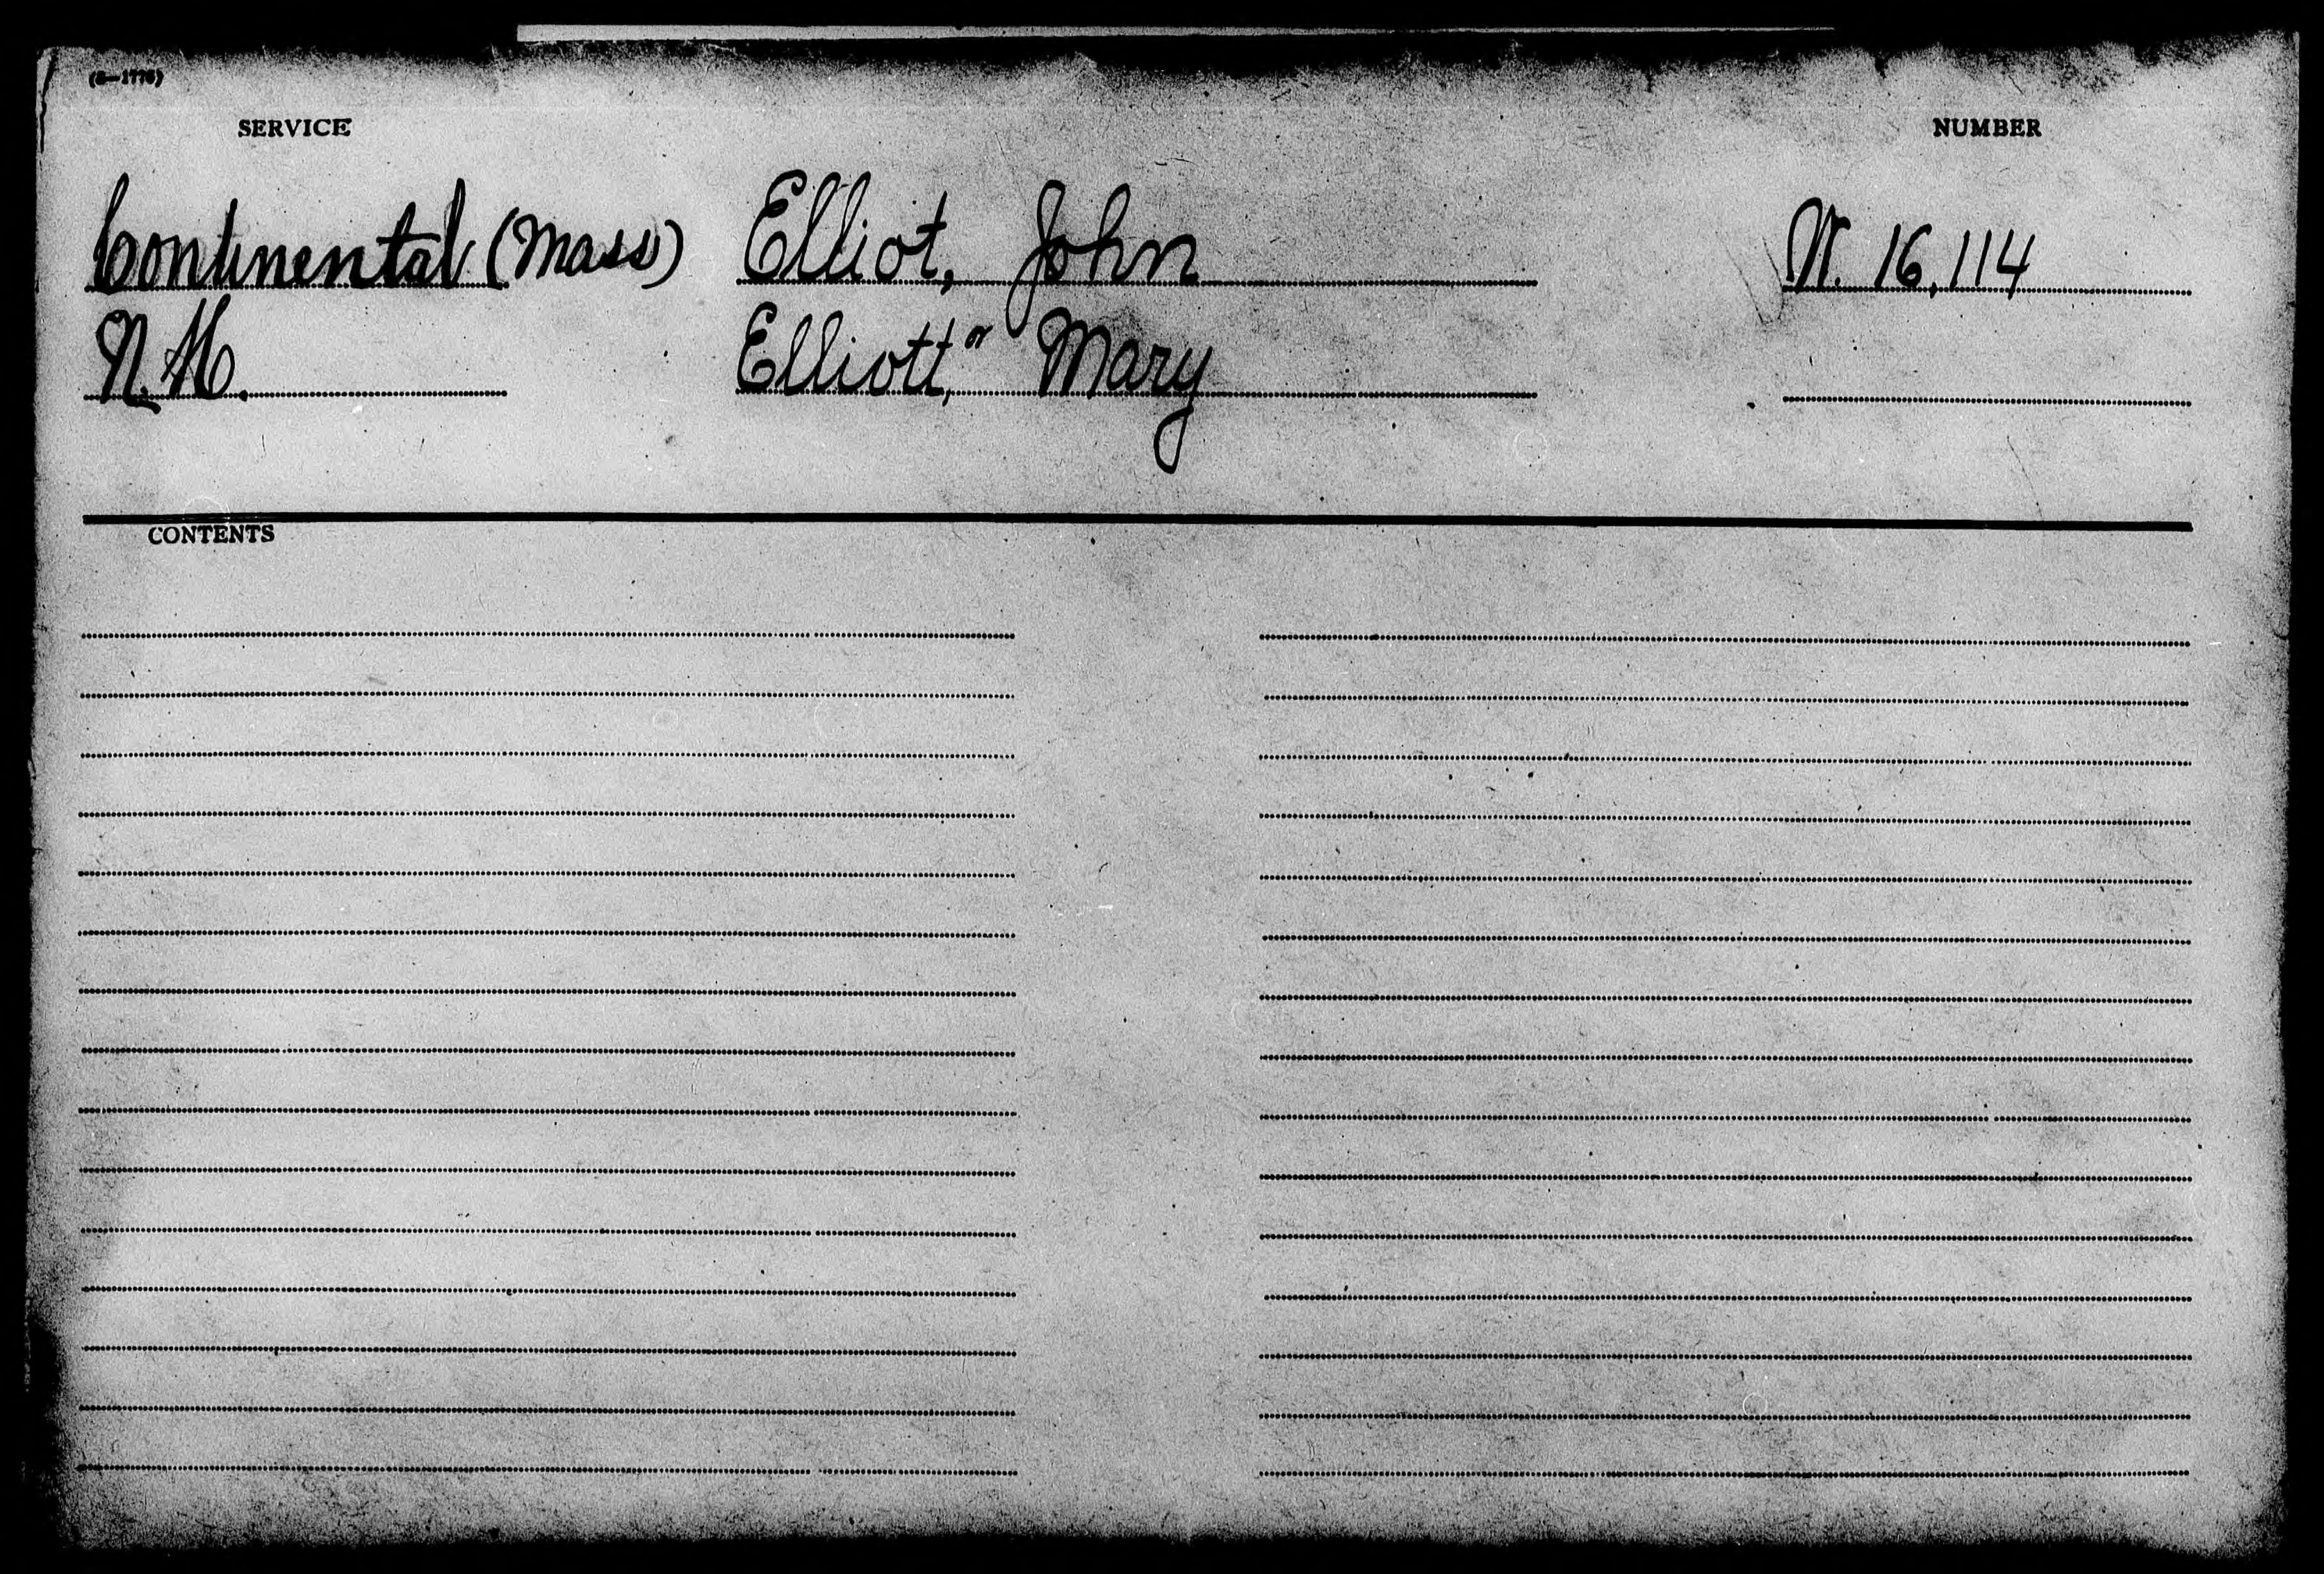(3-1776)

Service: Continental (Mass)
               N.H.

Elliot or Elliott, John
                          Mary

Number: W. 16,114

Contents:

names: John Elliott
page: 1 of 57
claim: widow's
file: W. 16,114, John Elliot, Continental (Mass) N.H.